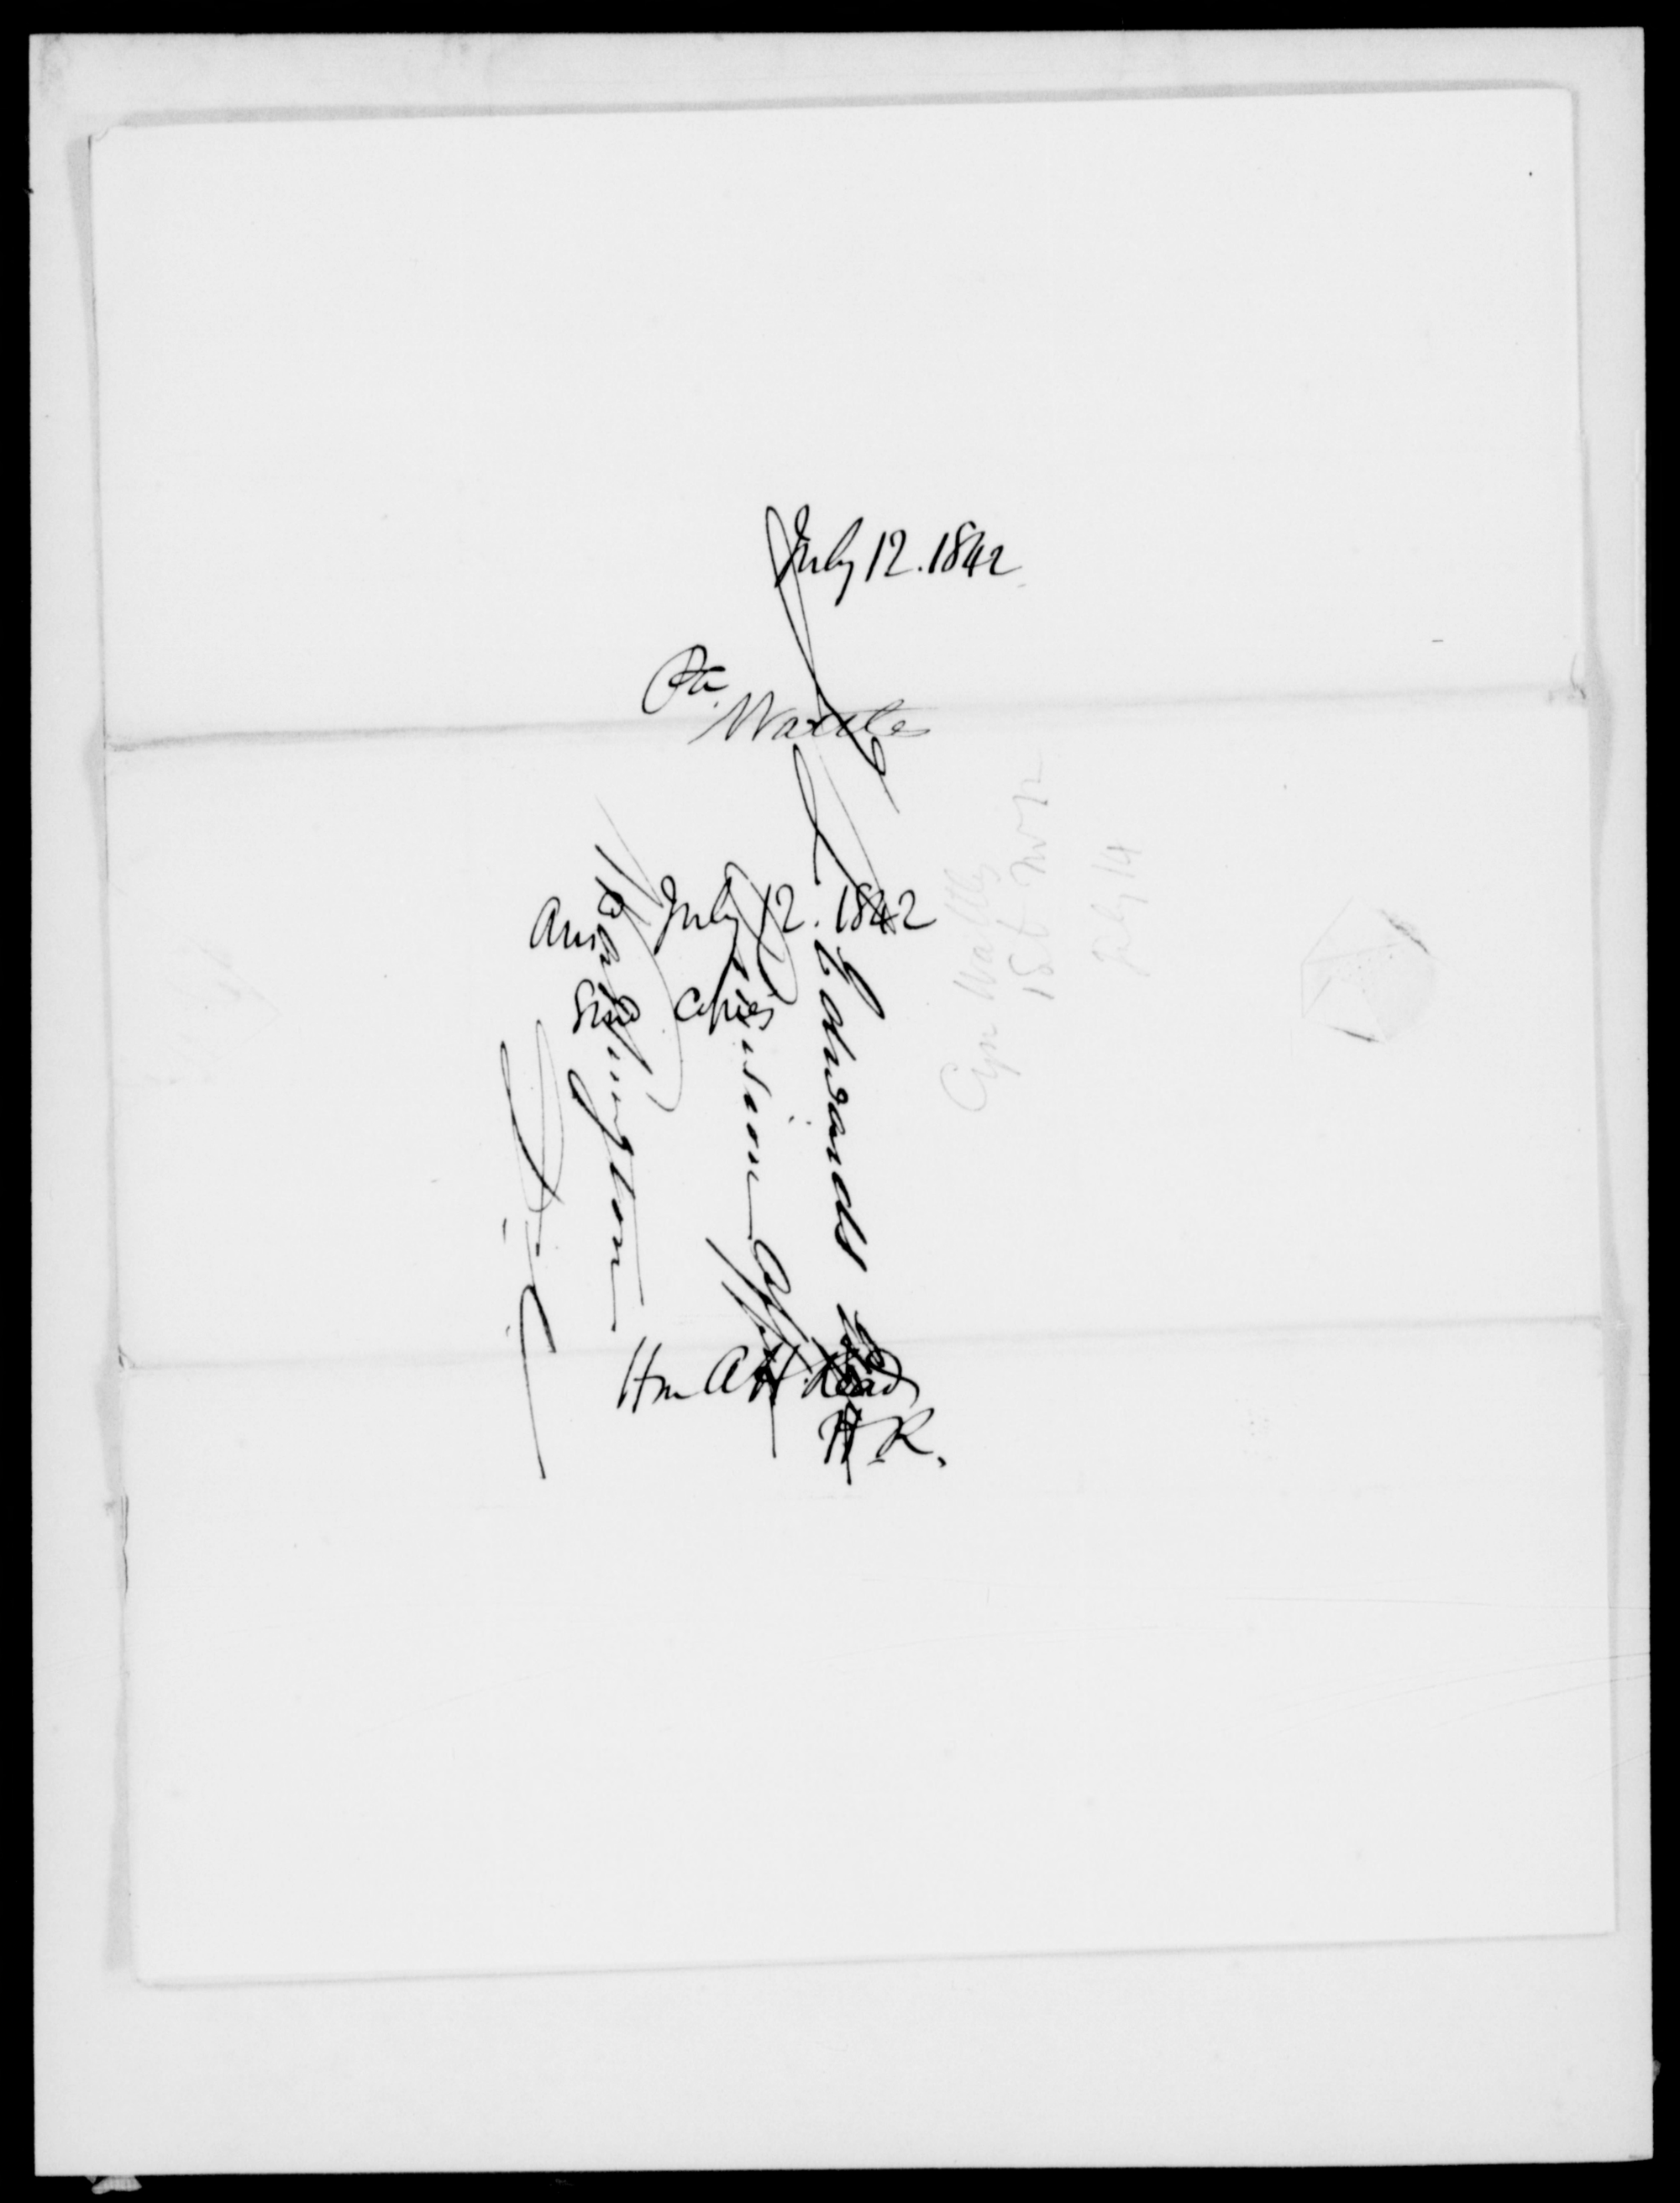July 12, 1842
Pa
Wattles

[  ] July 12, 1842
Hist copies

Hon. A H Read
HR

Cyna Wattles
1st M
July 14

J. L. Edwards
Pensions Office
Washington 
D. C.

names: Cyn Wattles, A H Read, J L Edwards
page: 30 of 70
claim: widow's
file: W. 3743, Dan Wattles, Conn.